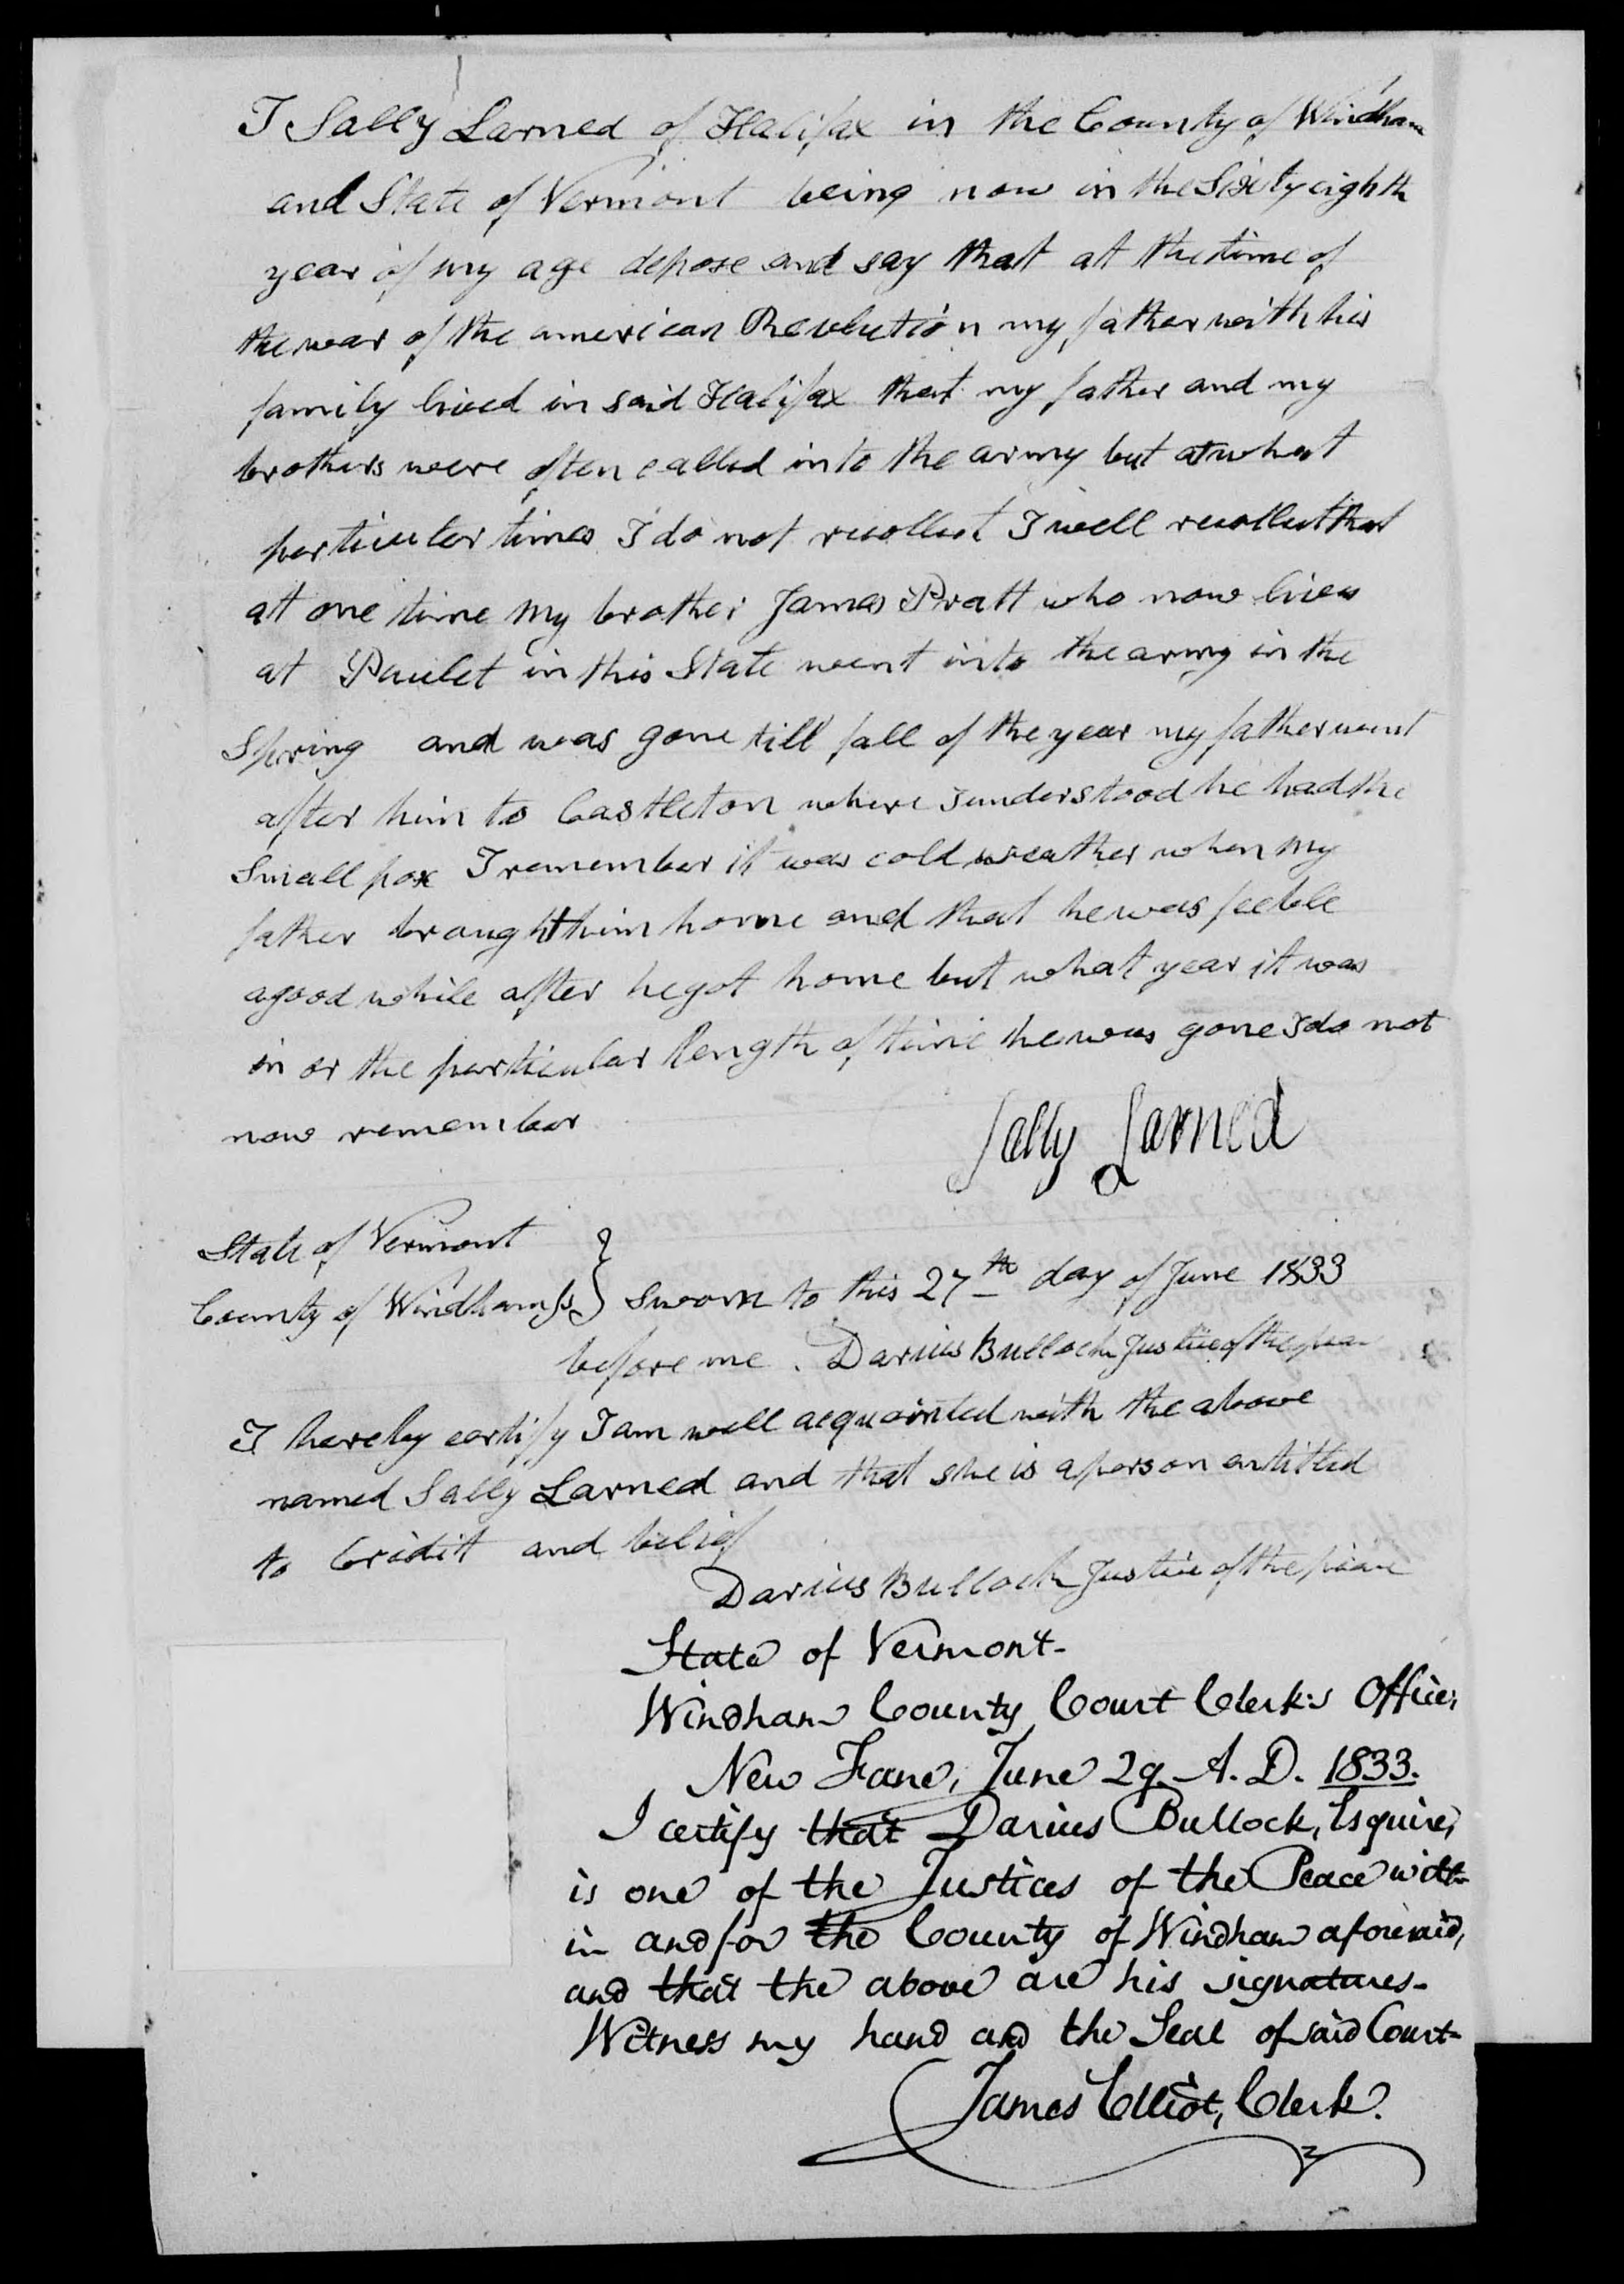I, Sally Larned, of Halifax in the County of Windham and State of Vermont, being in the sixty eighth year of my age, depose and say that all the time of the war of the american Revolution, my father with his family lived in said Halifax, that my father and my brothers were often called into the army but at what particular time I do not recollect. I will recollect that at one time my brother, James Pratt, who now lives at Pawlet in this State went into the army in the Spring and was gone till fall of the year my father went after him to Castleton where I understood he had the smallpox. I remember it was cold weather when my father brought him home, and that he was feeble a good while after he got home, but what year it was or the particular length of time he was gone I do not now remember.
Sally Larned

State of Vermont      
County of Windham }  Sworn to this 27th day of June 1833
Before me: Darius Bullock, Justice of the Peace
I hereby certify I am well acquainted with the above named Sally Larned and that she is a person entitled to credit and belief.
Darius Bullock, Justice of the Peace

State of Vermont-
Windham County Court Clerk's Officer
New Fane, June 29 A.D. 1833
I certify that Darius Bullock, Esquire, is one of the Justices of the Peace with in and for the County of Windham aforementioned, and that the above and his signatures.
Witness my hand and the Seal of said Court.
James Elliot, Clerk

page: 9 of 29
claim: survivor's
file: S. 14,222, for James Pratt, Vermont